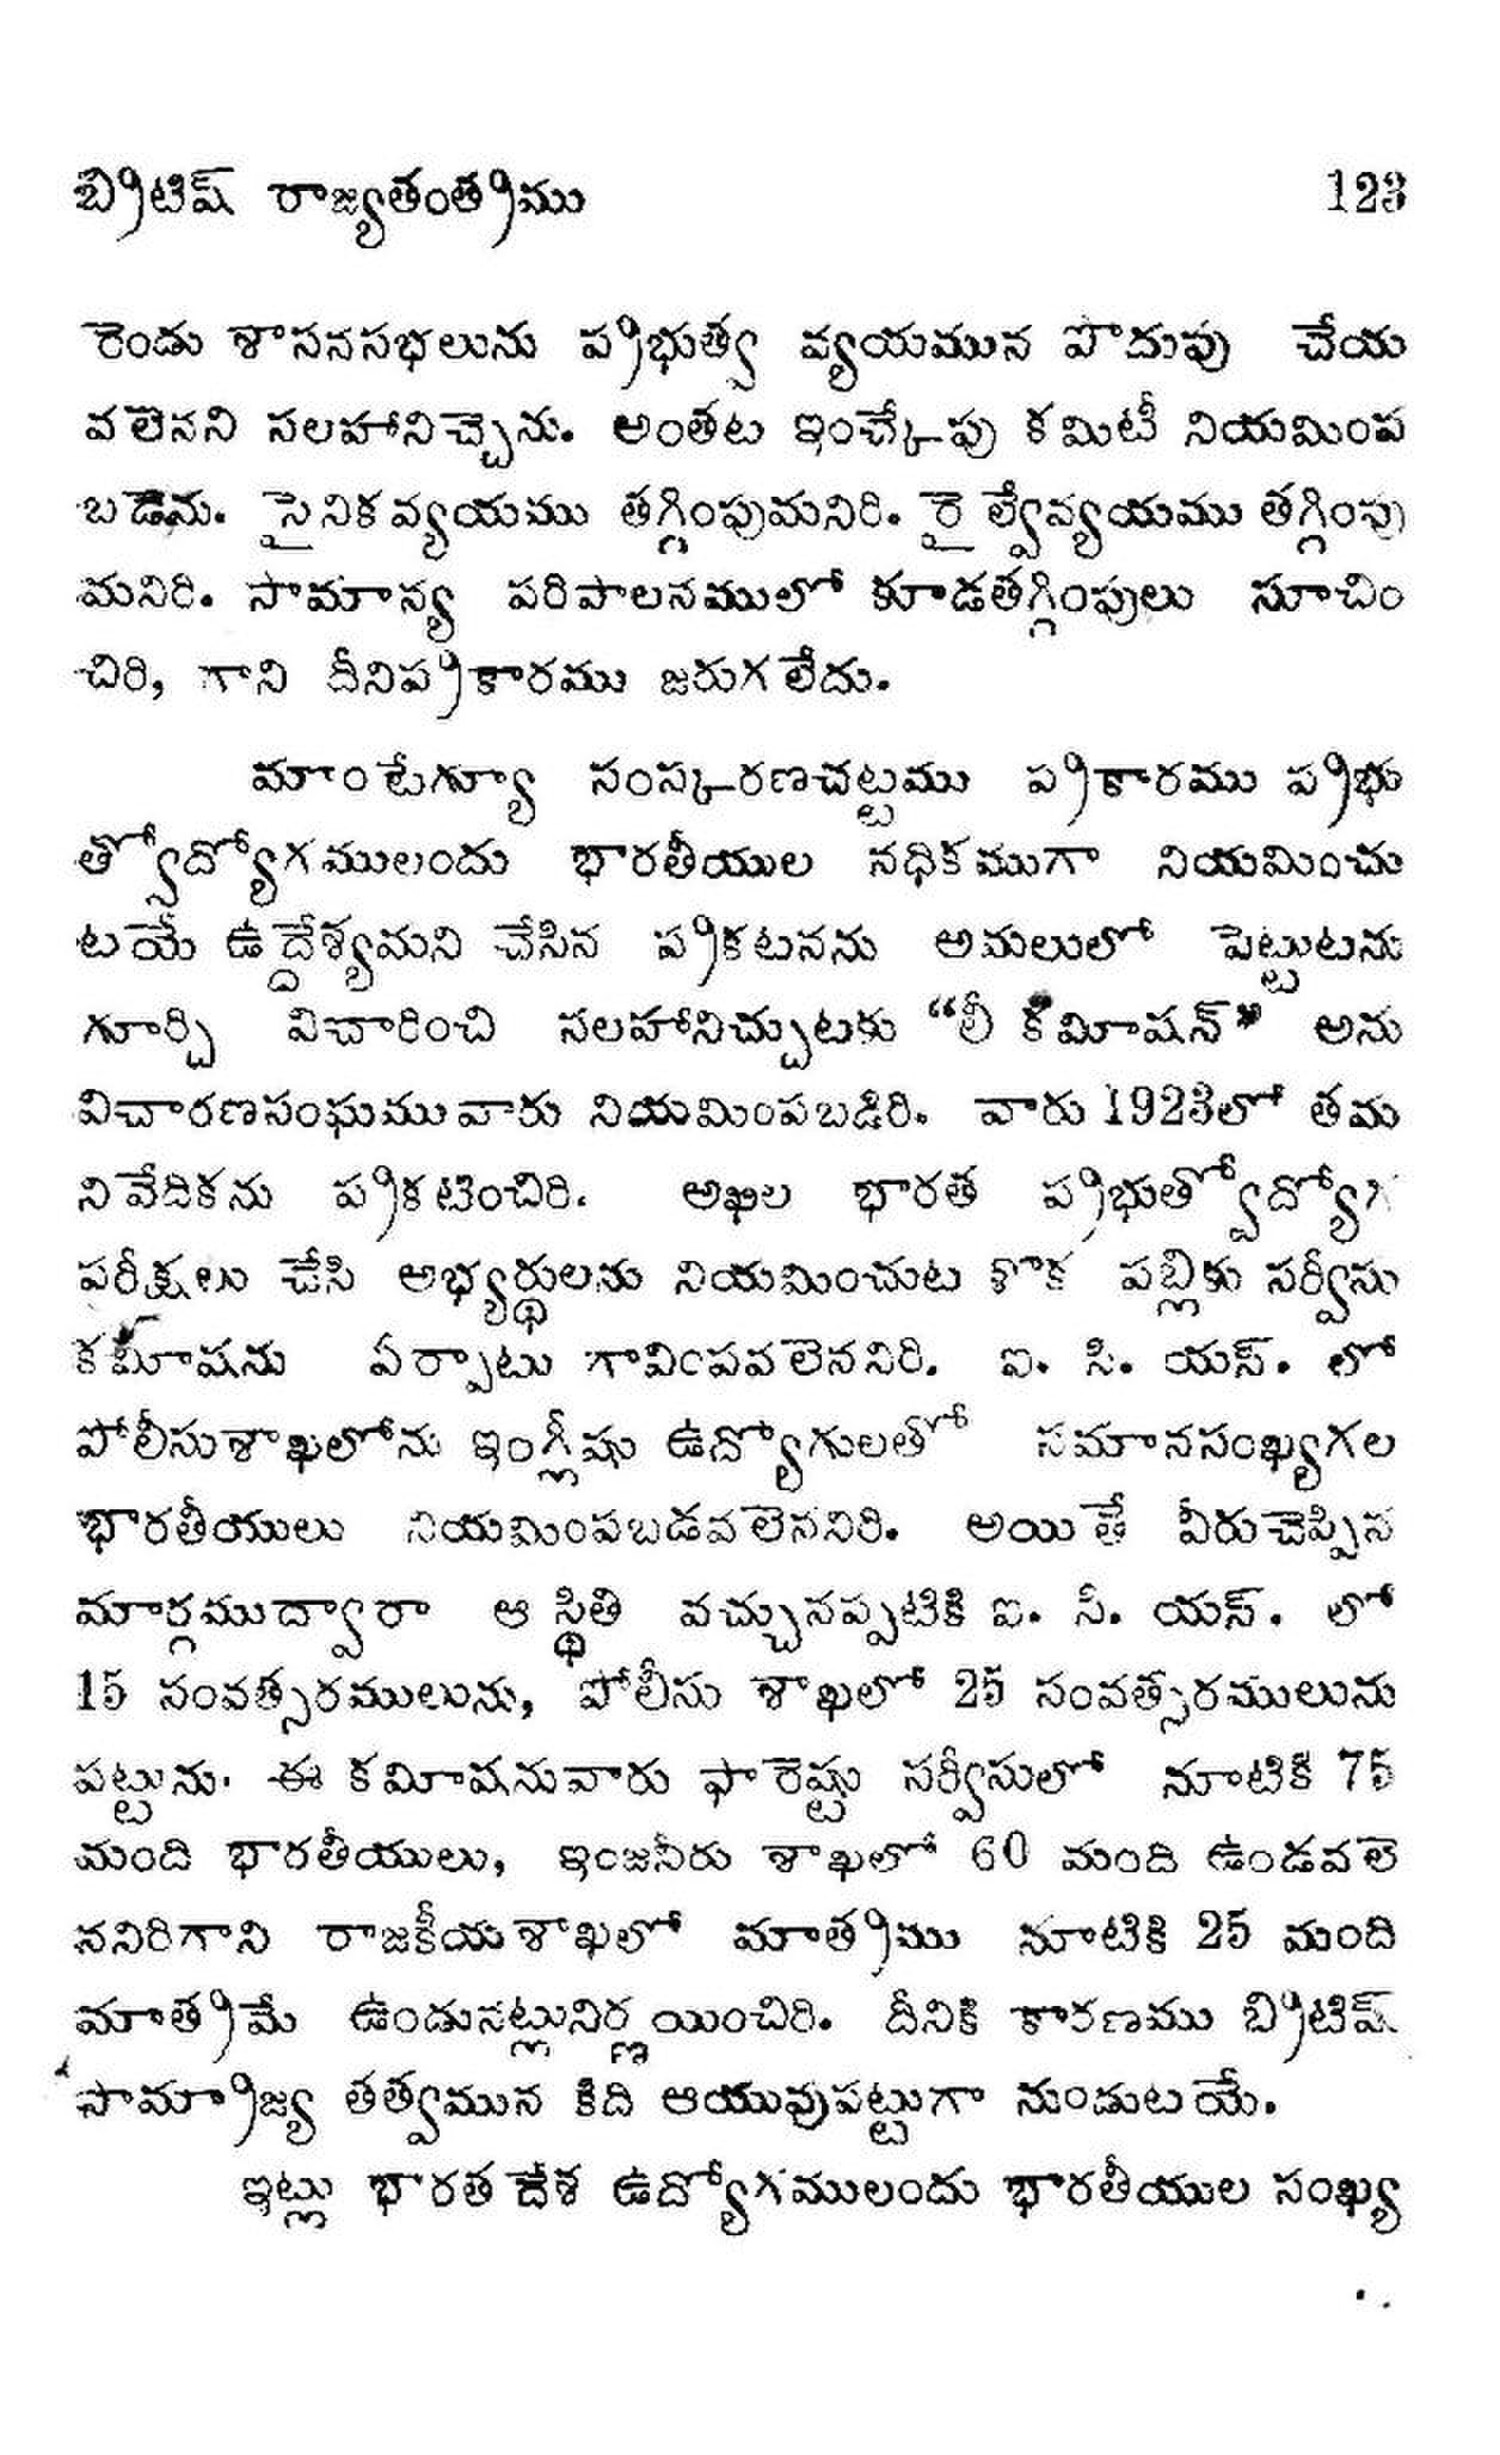రెండు శాసనసభలును ప్రభుత్వ వ్యయమున పొదుపు చేయవలెనని సలహానిచ్చెను. అంతట ఇంచ్కేపు కమిటీ నియమింపబడెను. సైనికవ్యయము తగ్గింపుమనిరి. రైల్వేవ్యయము తగ్గింపుమనిరి. సామాన్య పరిపాలనములో కూడతగ్గింపులు సూచించిరి, గాని దీనిప్రకారము జరుగలేదు.

మాంటేగ్యూ సంస్కరణచట్టము ప్రకారము ప్రభుత్వోద్యోగములందు భారతీయుల నధికముగా నియమించుటయే ఉదేశ్యమని చేసిన ప్రకటనను అమలులో పెట్టుటనుగూర్చి విచారించి సలహానిచ్చుటకు “లీ కమీషన్" అను విచారణ సంఘమువారు నియమింపబడిరి. వారు 1923లో తమ నివేదికను ప్రకటించిరి. అఖిల భారత ప్రభుత్వోద్యోగ పరీక్షలు చేసి అభ్యర్థులను నియమించుట కొక పబ్లికు సర్వీసుకమీషను ఏర్పాటు గావింపవలెననిరి. ఐ. సి. యస్. లో పోలీసుశాఖలోను ఇంగ్లీషు ఉద్యోగులతో సమానసంఖ్యగల భారతీయులు నియమింపబడవలెననిరి. అయితే వీరుచెప్పిన మార్గముద్వారా ఆ స్థితి వచ్చునప్పటికి ఐ. సి. యస్. లో 15 సంవత్సరములును, పోలీసు శాఖలో 25 సంవత్సరములును పట్టును. ఈ కమిషనువారు ఫారెష్టు సర్వీసులో నూటికి 75 మంది భారతీయులు, ఇంజనీరు శాఖలో 60 మంది ఉండవలెననిరిగాని రాజకీయశాఖలో మాత్రము నూటికి 25 మంది మాత్రమే ఉండునట్లునిర్ణయించిరి. దీనికి కారణము బ్రిటిష్ సామ్రాజ్య తత్వమున కిది ఆయువుపట్టుగా నుండుటయే.

ఇట్లు భారతదేశ ఉద్యోగములందు భారతీయుల సంఖ్య